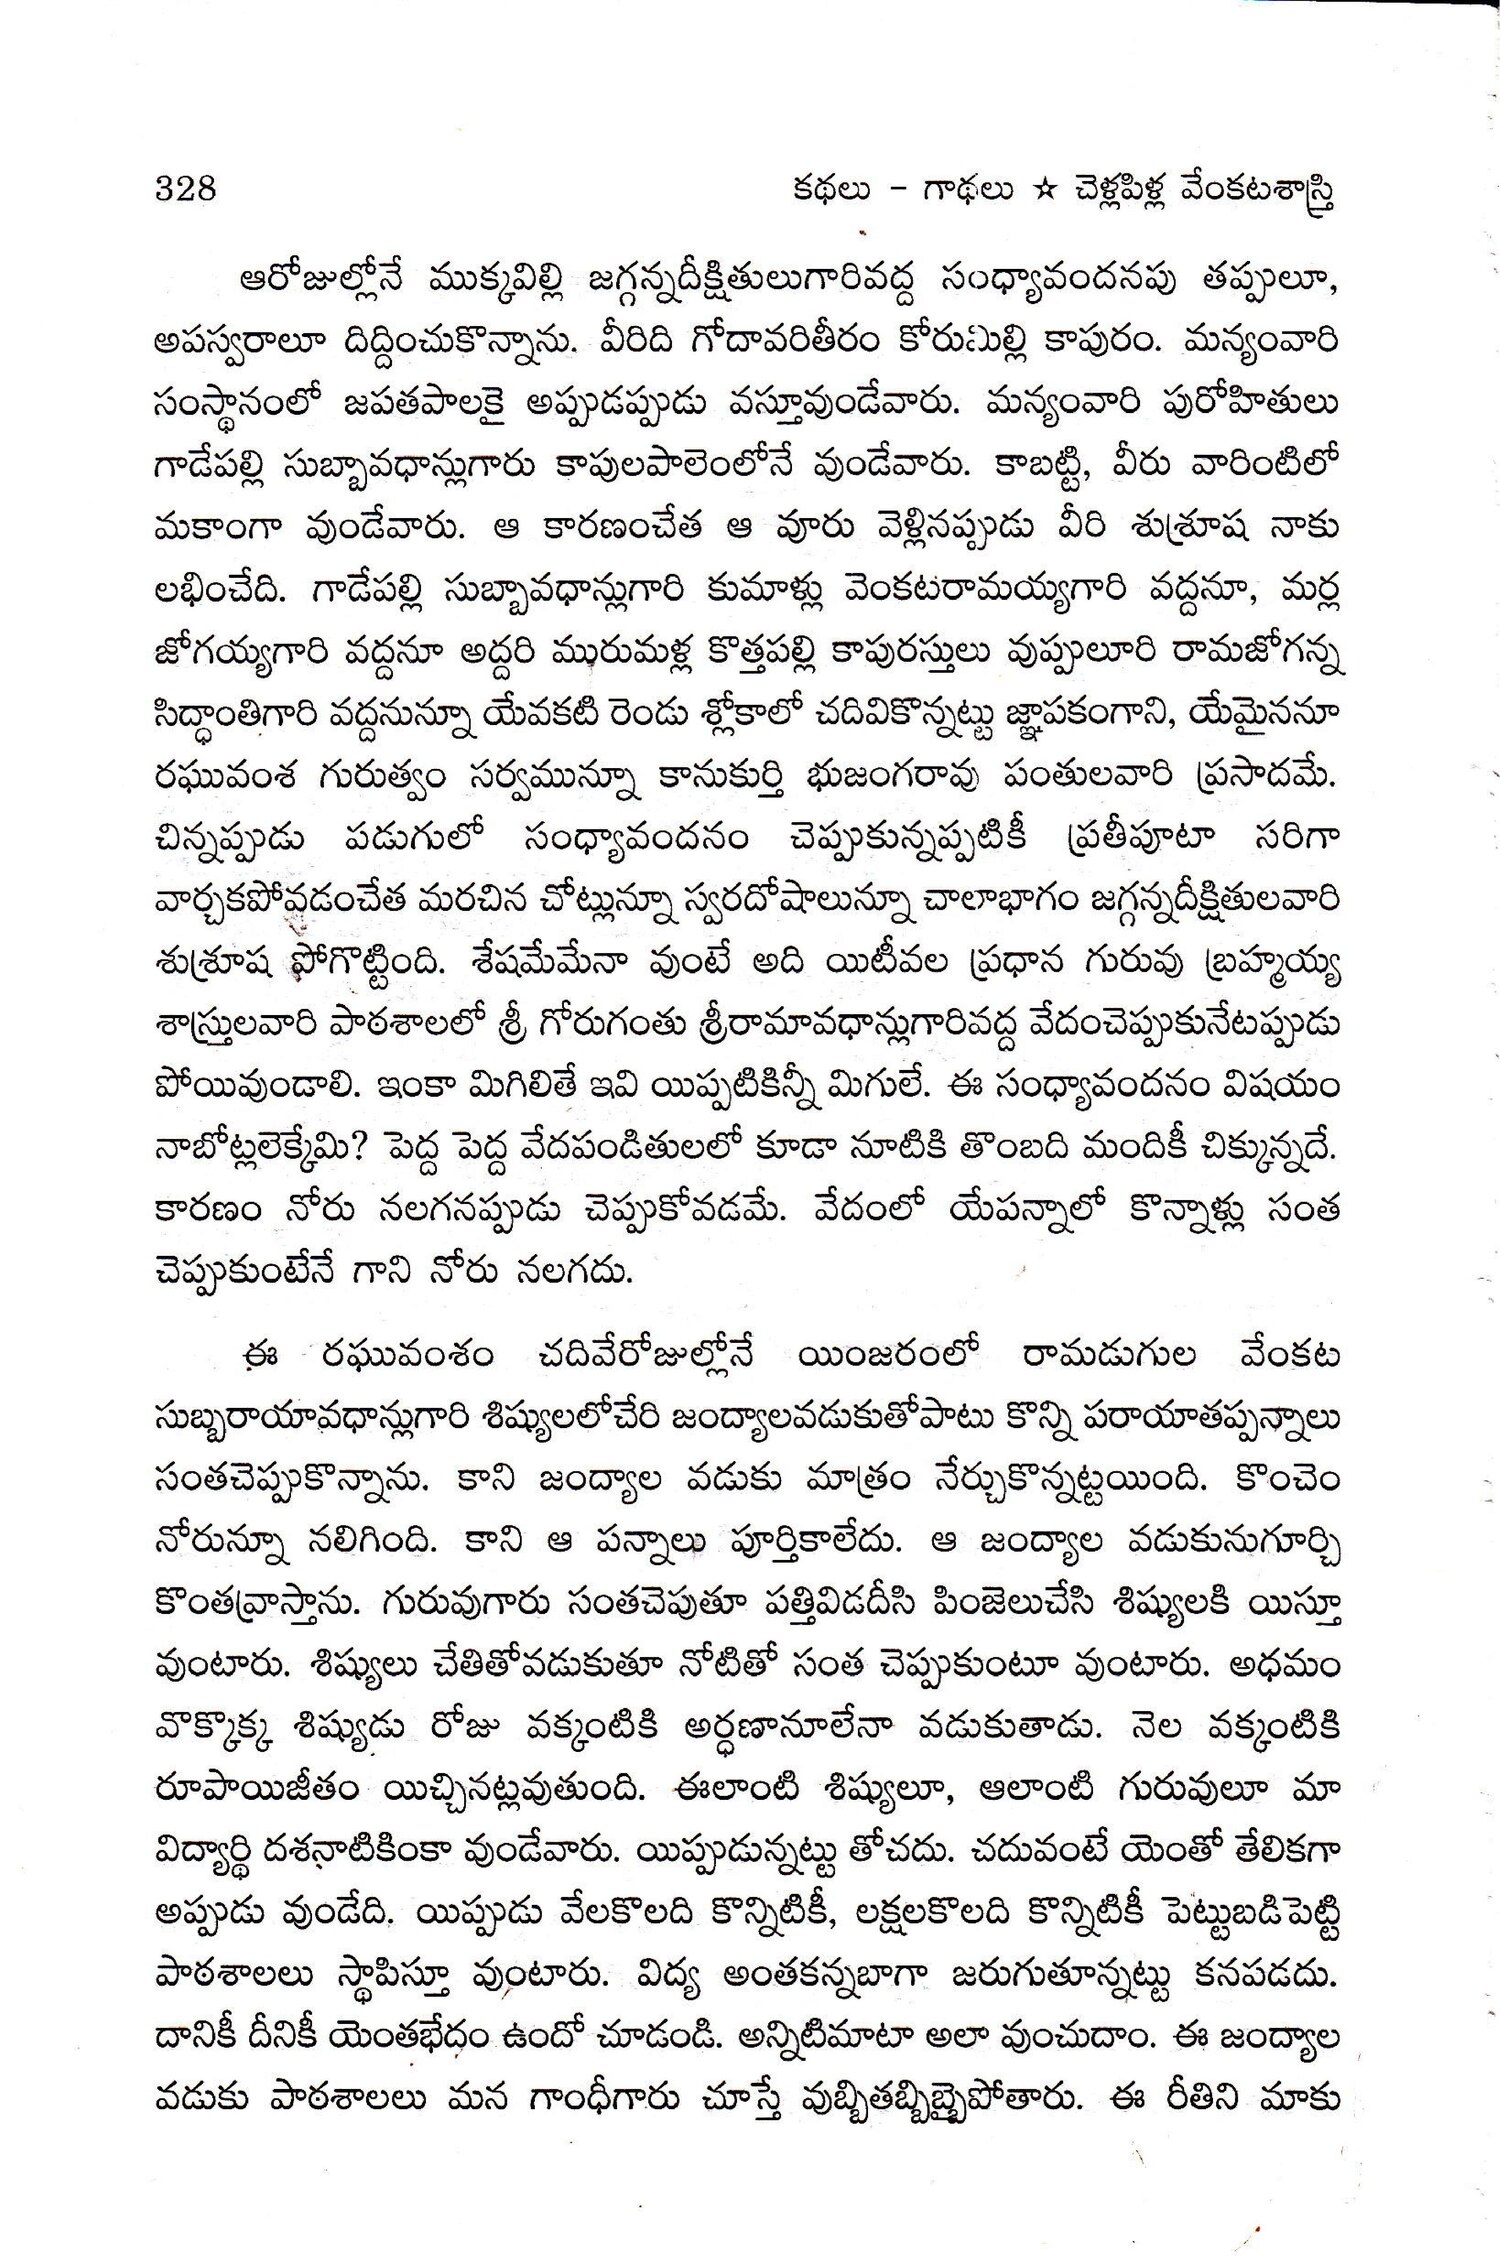ఆరోజుల్లోనే ముక్కవిల్లి జగ్గన్నదీక్షితులుగారివద్ద సంధ్యావందనపు తప్పులూ, అపస్వరాలూ దిద్దించుకొన్నాను. వీరిది గోదావరితీరం కోరుమిల్లి కాపురం. మన్యంవారి సంస్థానంలో జపతపాలకై అప్పుడప్పుడు వస్తూవుండేవారు. మన్యంవారి పురోహితులు గాడేపల్లి సుబ్బావధాన్లుగారు కాపులపాలెంలోనే వుండేవారు. కాబట్టి, వీరు వారింటిలో మకాంగా వుండేవారు. ఆ కారణంచేత ఆ వూరు వెళ్లినప్పుడు వీరి శుశ్రూష నాకు లభించేది. గాడేపల్లి సుబ్బావధాన్లుగారి కుమాళ్లు వెంకటరామయ్యగారి వద్దనూ, మర్ల జోగయ్యగారి వద్దనూ అద్దరి మురుమళ్ల కొత్తపల్లి కాపురస్తులు వుప్పులూరి రామజోగన్న సిద్ధాంతిగారి వద్దనున్నూ యేవకటి రెండు శ్లోకాలో చదివికొన్నట్టు జ్ఞాపకంగాని, యేమైననూ రఘువంశ గురుత్వం సర్వమున్నూ కానుకుర్తి భుజంగరావు పంతులవారి ప్రసాదమే. చిన్నప్పుడు పడుగులో సంధ్యావందనం చెప్పుకున్నప్పటికీ ప్రతీపూటా సరిగా వార్చకపోవడంచేత మరచిన చోట్లున్నూ స్వరదోషాలున్నూ చాలాభాగం జగ్గన్నదీక్షితులవారి శుశ్రూష ఫోగొట్టింది. శేషమేమేనా వుంటే అది యిటీవల ప్రధాన గురువు బ్రహ్మయ్య శాస్త్రులవారి పాఠశాలలో శ్రీ గోరుగంతు శ్రీరామావధాన్లుగారివద్ద వేదంచెప్పుకునేటప్పుడు పోయివుండాలి. ఇంకా మిగిలితే ఇవి యిప్పటికిన్నీ మిగులే. ఈ సంధ్యావందనం విషయం నాబోట్లలెక్కేమి? పెద్ద పెద్ద వేదపండితులలో కూడా నూటికి తొంబది మందికీ చిక్కున్నదే. కారణం నోరు నలగనప్పుడు చెప్పకోవడమే. వేదంలో యేపన్నాలో కొన్నాళ్లు సంత చెప్పుకుంటేనే గాని నోరు నలగదు.

ఈ రఘువంశం చదివేరోజుల్లోనే యింజరంలో రామడుగుల వేంకట సుబ్బరాయావధాన్లుగారి శిష్యులలోచేరి జంద్యాలవడుకుతోపాటు కొన్ని పరాయాతప్పన్నాలు సంతచెప్పుకొన్నాను. కాని జంద్యాల వడుకు మాత్రం నేర్చుకొన్నట్టయింది. కొంచెం నోరున్నూ నలిగింది. కాని ఆ పన్నాలు పూర్తికాలేదు. ఆ జంద్యాల వడుకునుగూర్చి కొంత వ్రాస్తాను. గురువుగారు సంతచెపుతూ పత్తివిడదీసి పింజెలుచేసి శిష్యులకి యిస్తూ వుంటారు. శిష్యులు చేతితోవడుకుతూ నోటితో సంత చెప్పుకుంటూ వుంటారు. అధమం వొక్కొక్క శిష్యుడు రోజు వక్కంటికి అర్ధణానూలేనా వడుకుతాడు. నెల వక్కంటికి రూపాయిజీతం యిచ్చినట్లవుతుంది. ఈలాంటి శిష్యులూ, ఆలాంటి గురువులూ మా విద్యార్థి దశనాటికింకా వుండేవారు. యిప్పుడున్నట్టు తోచదు. చదువంటే యెంతో తేలికగా అప్పుడు వుండేది. యిప్పుడు వేలకొలది కొన్నిటికీ, లక్షలకొలది కొన్నిటికీ పెట్టుబడిపెట్టి పాఠశాలలు స్థాపిస్తూ వుంటారు. విద్య అంతకన్నబాగా జరుగుతూన్నట్టు కనపడదు. దానికీ దీనికీ యెంతభేదం ఉందో చూడండి. అన్నిటిమాటా అలా వుంచుదాం. ఈ జంద్యాల వడుకు పాఠశాలలు మన గాంధీగారు చూస్తే వుబ్బితబ్బిబ్బైపోతారు. ఈ రీతిని మాకు